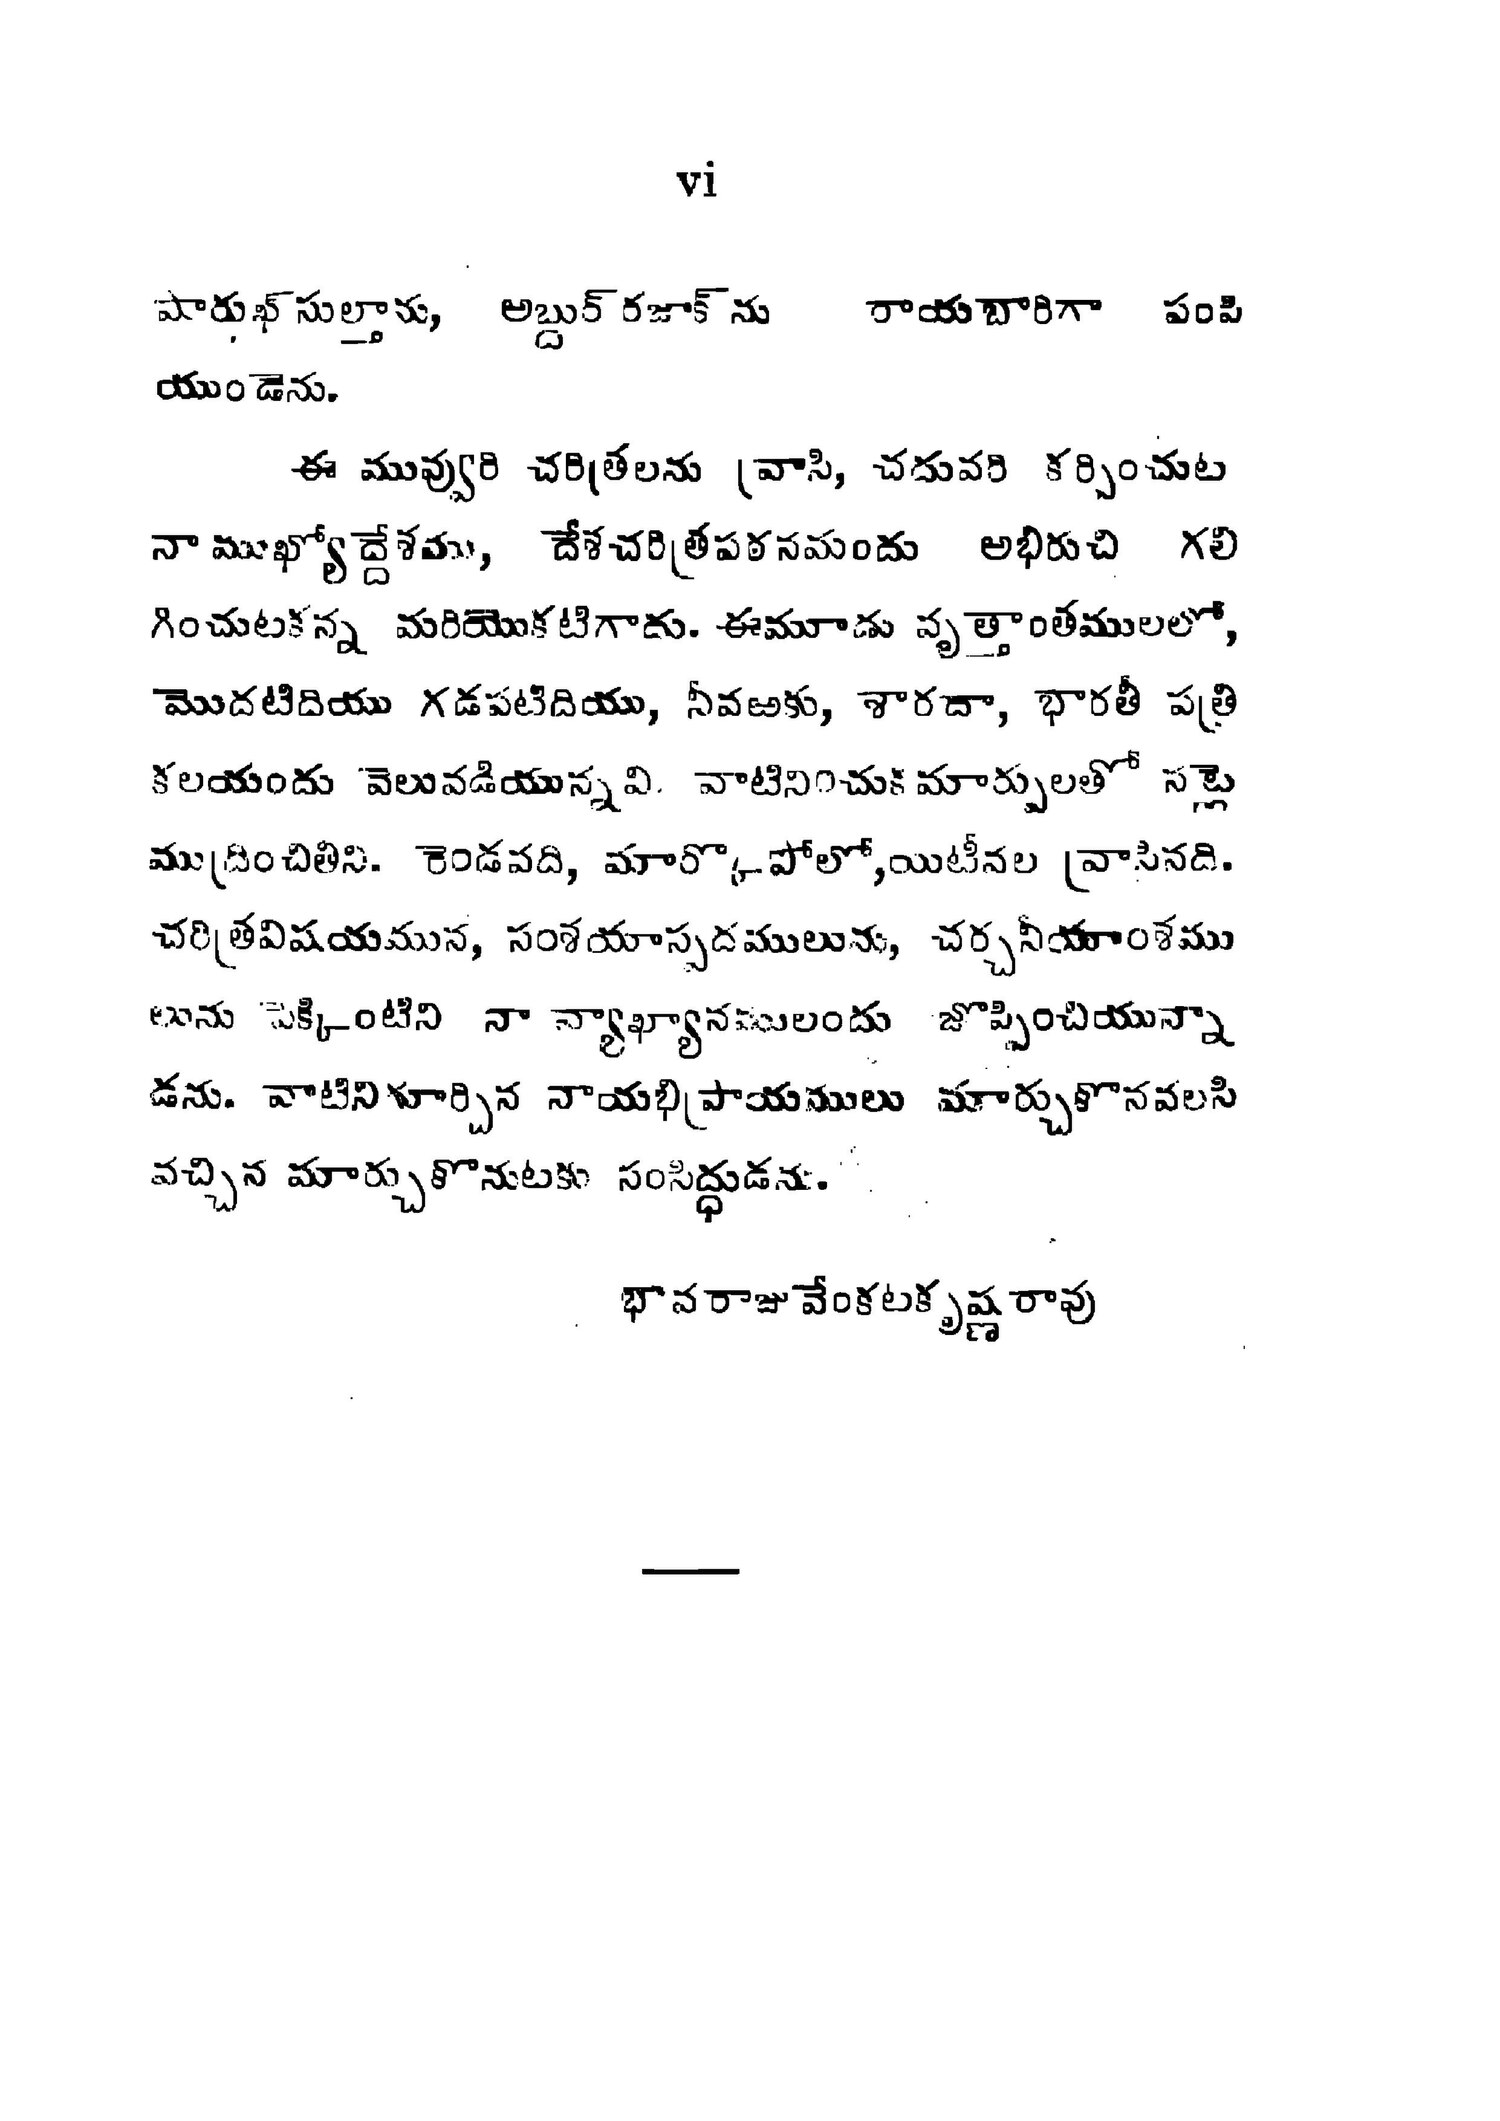షారుఖ్‌సుల్తాను, అబ్దుర్‌రజాక్‌ను రాయబారిగా పంపియుండెను.

ఈ మువ్వురి చరిత్రలను వ్రాసి, చదువరి కర్పించుట నాముఖ్యోద్దేశము,దేశచరిత్రపఠనమందు అభిరుచి గలిగించుట కన్న మరియొకటికగాదు. ఈ మూడు వృత్తాంతములలో, మొదటిదియు గడపటిదియు, నీవఱకు, శారదా, భారతీ పత్రికయందు వెలువడి యున్నవి.వాటినించుక మార్పులతో నట్లె ముద్రించితిని.రెండవది, మార్కొపోలో, యిటీవల వ్రాసినది.చరిత్ర విషయమున, సంశయాస్పదములును,చర్చనీయాంసములును పెక్కింటిని నావ్యాఖ్యానములందు జొప్పించియునాడను. వాటిని గూర్చిన నాయభిప్రాయములు మార్చు కొనవలసి వచ్చిన మార్చుకొనుటకు సంసిద్ధుడను.